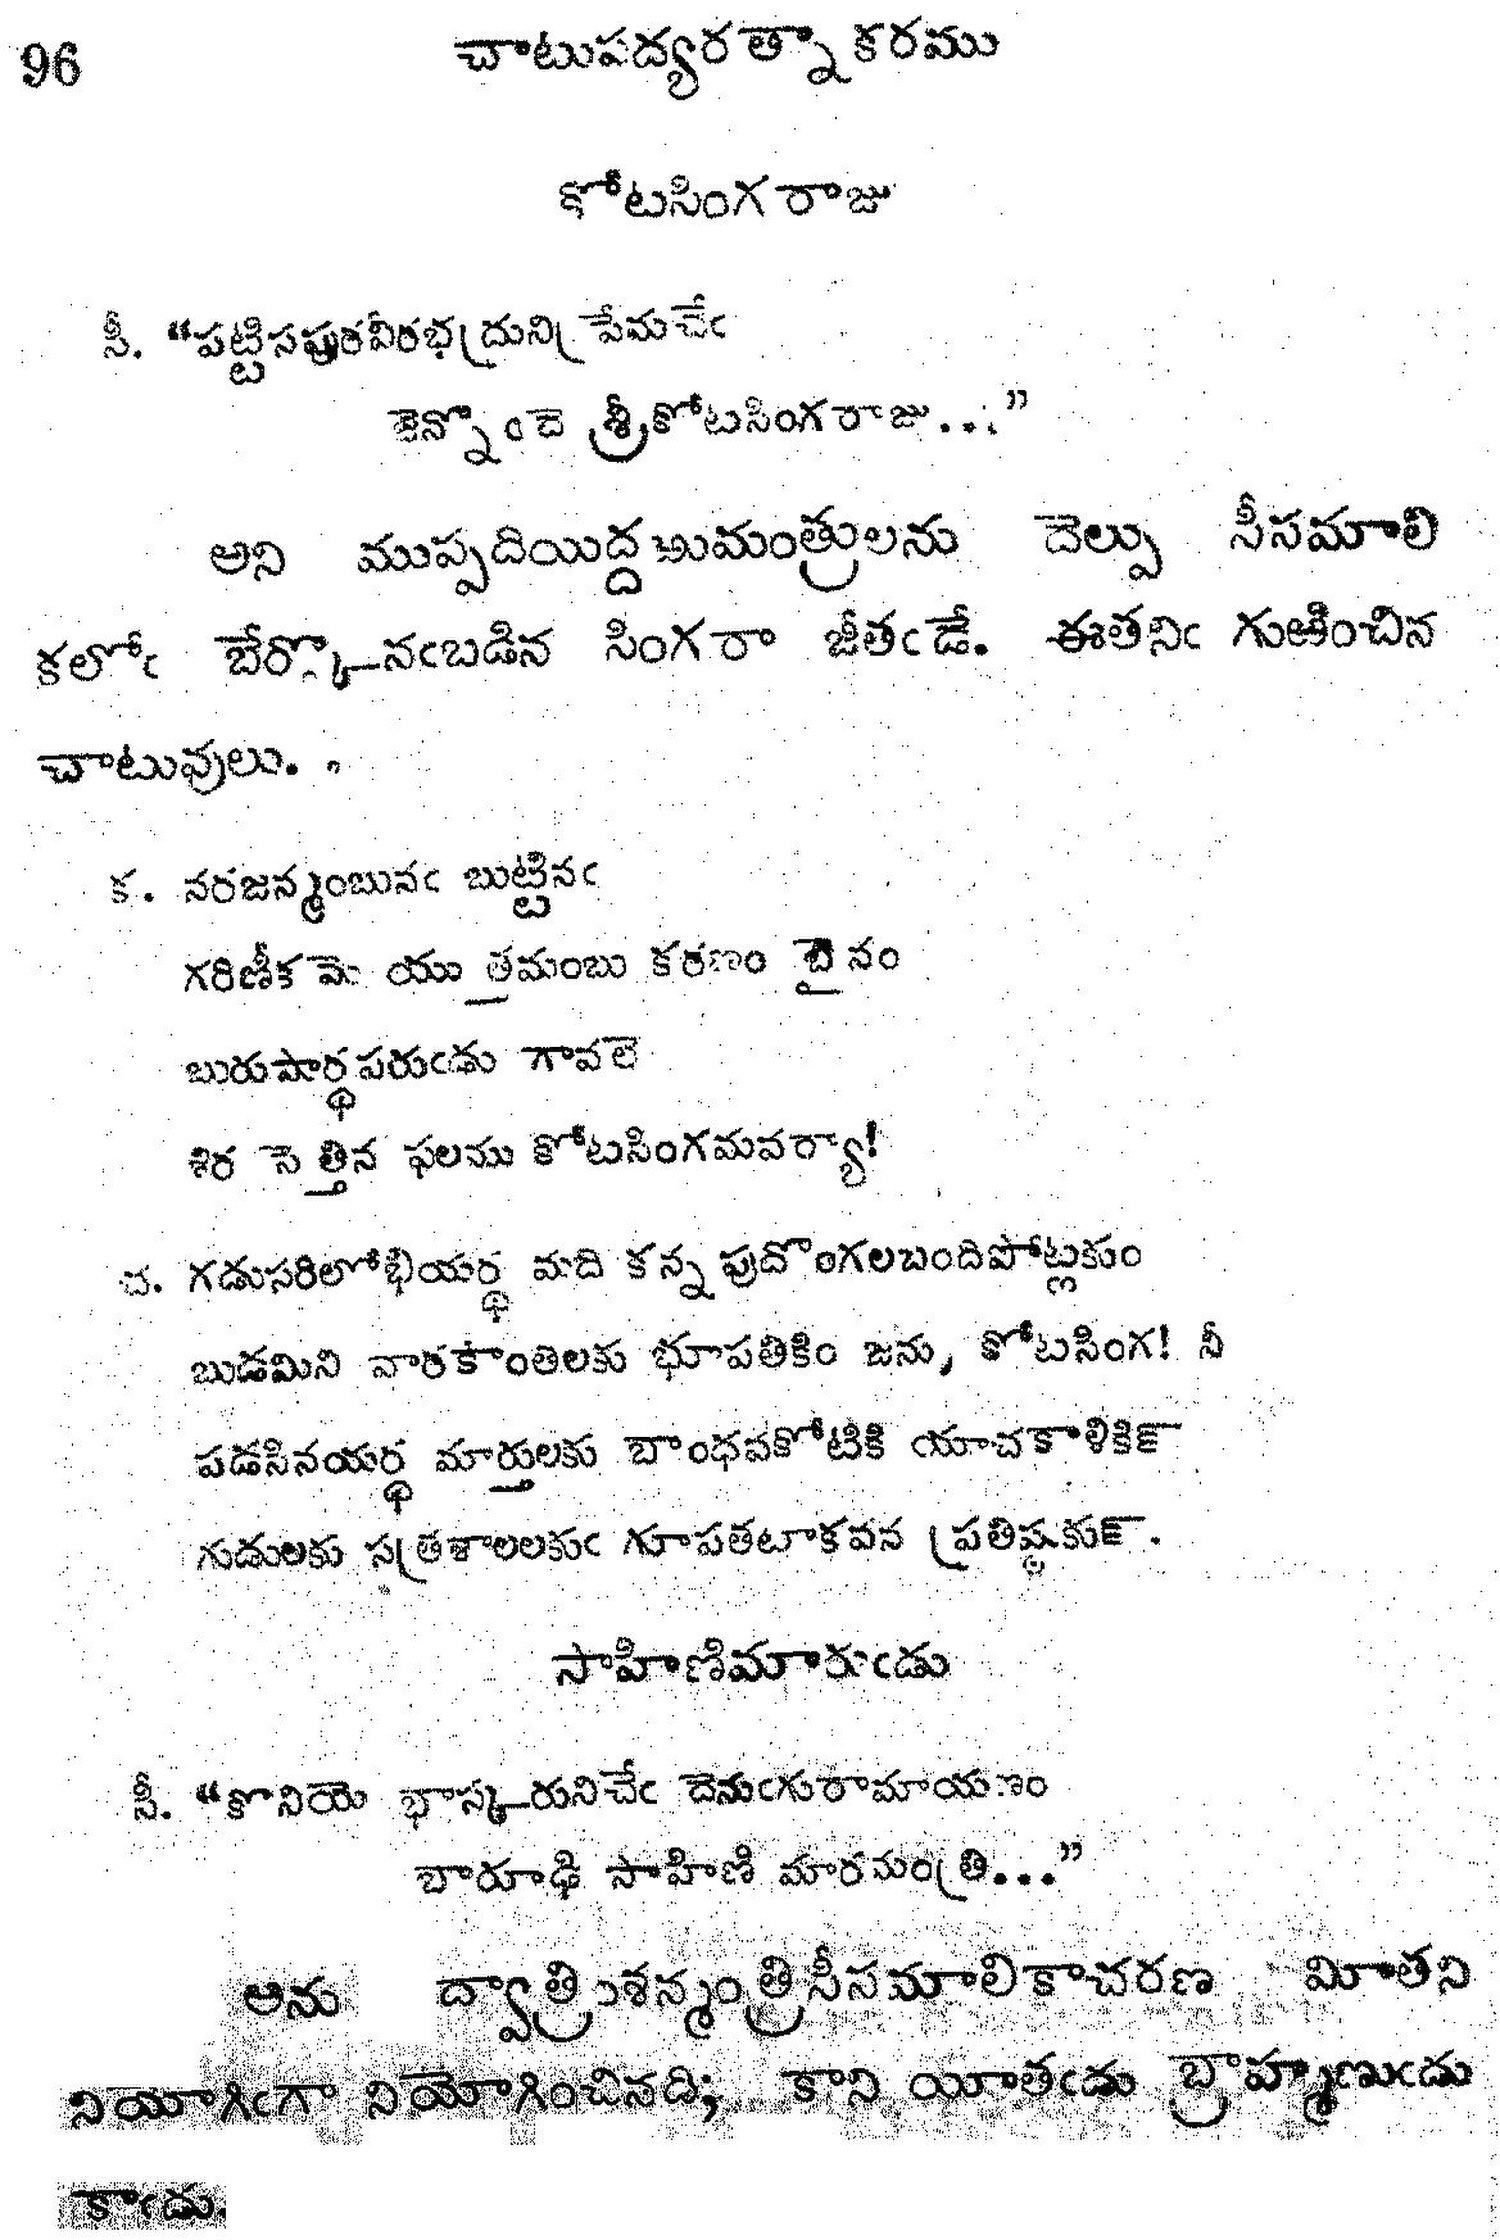“సీ. పట్టిసపుర వీరభద్రుని ప్రేమచేఁ
 జెన్నొందె శ్రీకోటసింగరాజు...”

అని ముప్పదియిద్దఱుమంత్రులను దెల్పు సీసమాలికలోఁ బేర్కొనఁబడిన సింగరా జీతఁడే. ఈతనిఁ గుఱించిన చాటువులు

క. నరజన్మంబునఁ బుట్టినఁ
 గరణీకమె యుత్తమంబు కరణంబైనం
 బురుషార్థపరుఁడు గావలె
 శిర సెత్తినఫలము కోటసింగమవర్యా!

చ. గడుసరిలోభియర్థ మది కన్నపుదొంగలబందిపోట్లకున్
 బుడమిని వారకాంతలకు భూపతికిం జను కోటసింగ! నీ
 పడసినయర్థ మార్తులకు బాంధవకోటికి యాచకాళికిన్
 గుడులకు సత్త్రశాలలకుఁ గూపతటాకవనప్రతిష్ఠకున్.

“సీ. కొనియె భాస్కరునిచేఁ దెనుఁగురామాయణం
 బారూఢి సాహిణి మారమంత్రి....”

అను ద్వాత్రింశన్మంత్రిసీసమాలికాచరణ మీతని నియోగిఁగా నియోగించినది; కాని యీతఁడు బ్రాహ్మణుఁడు